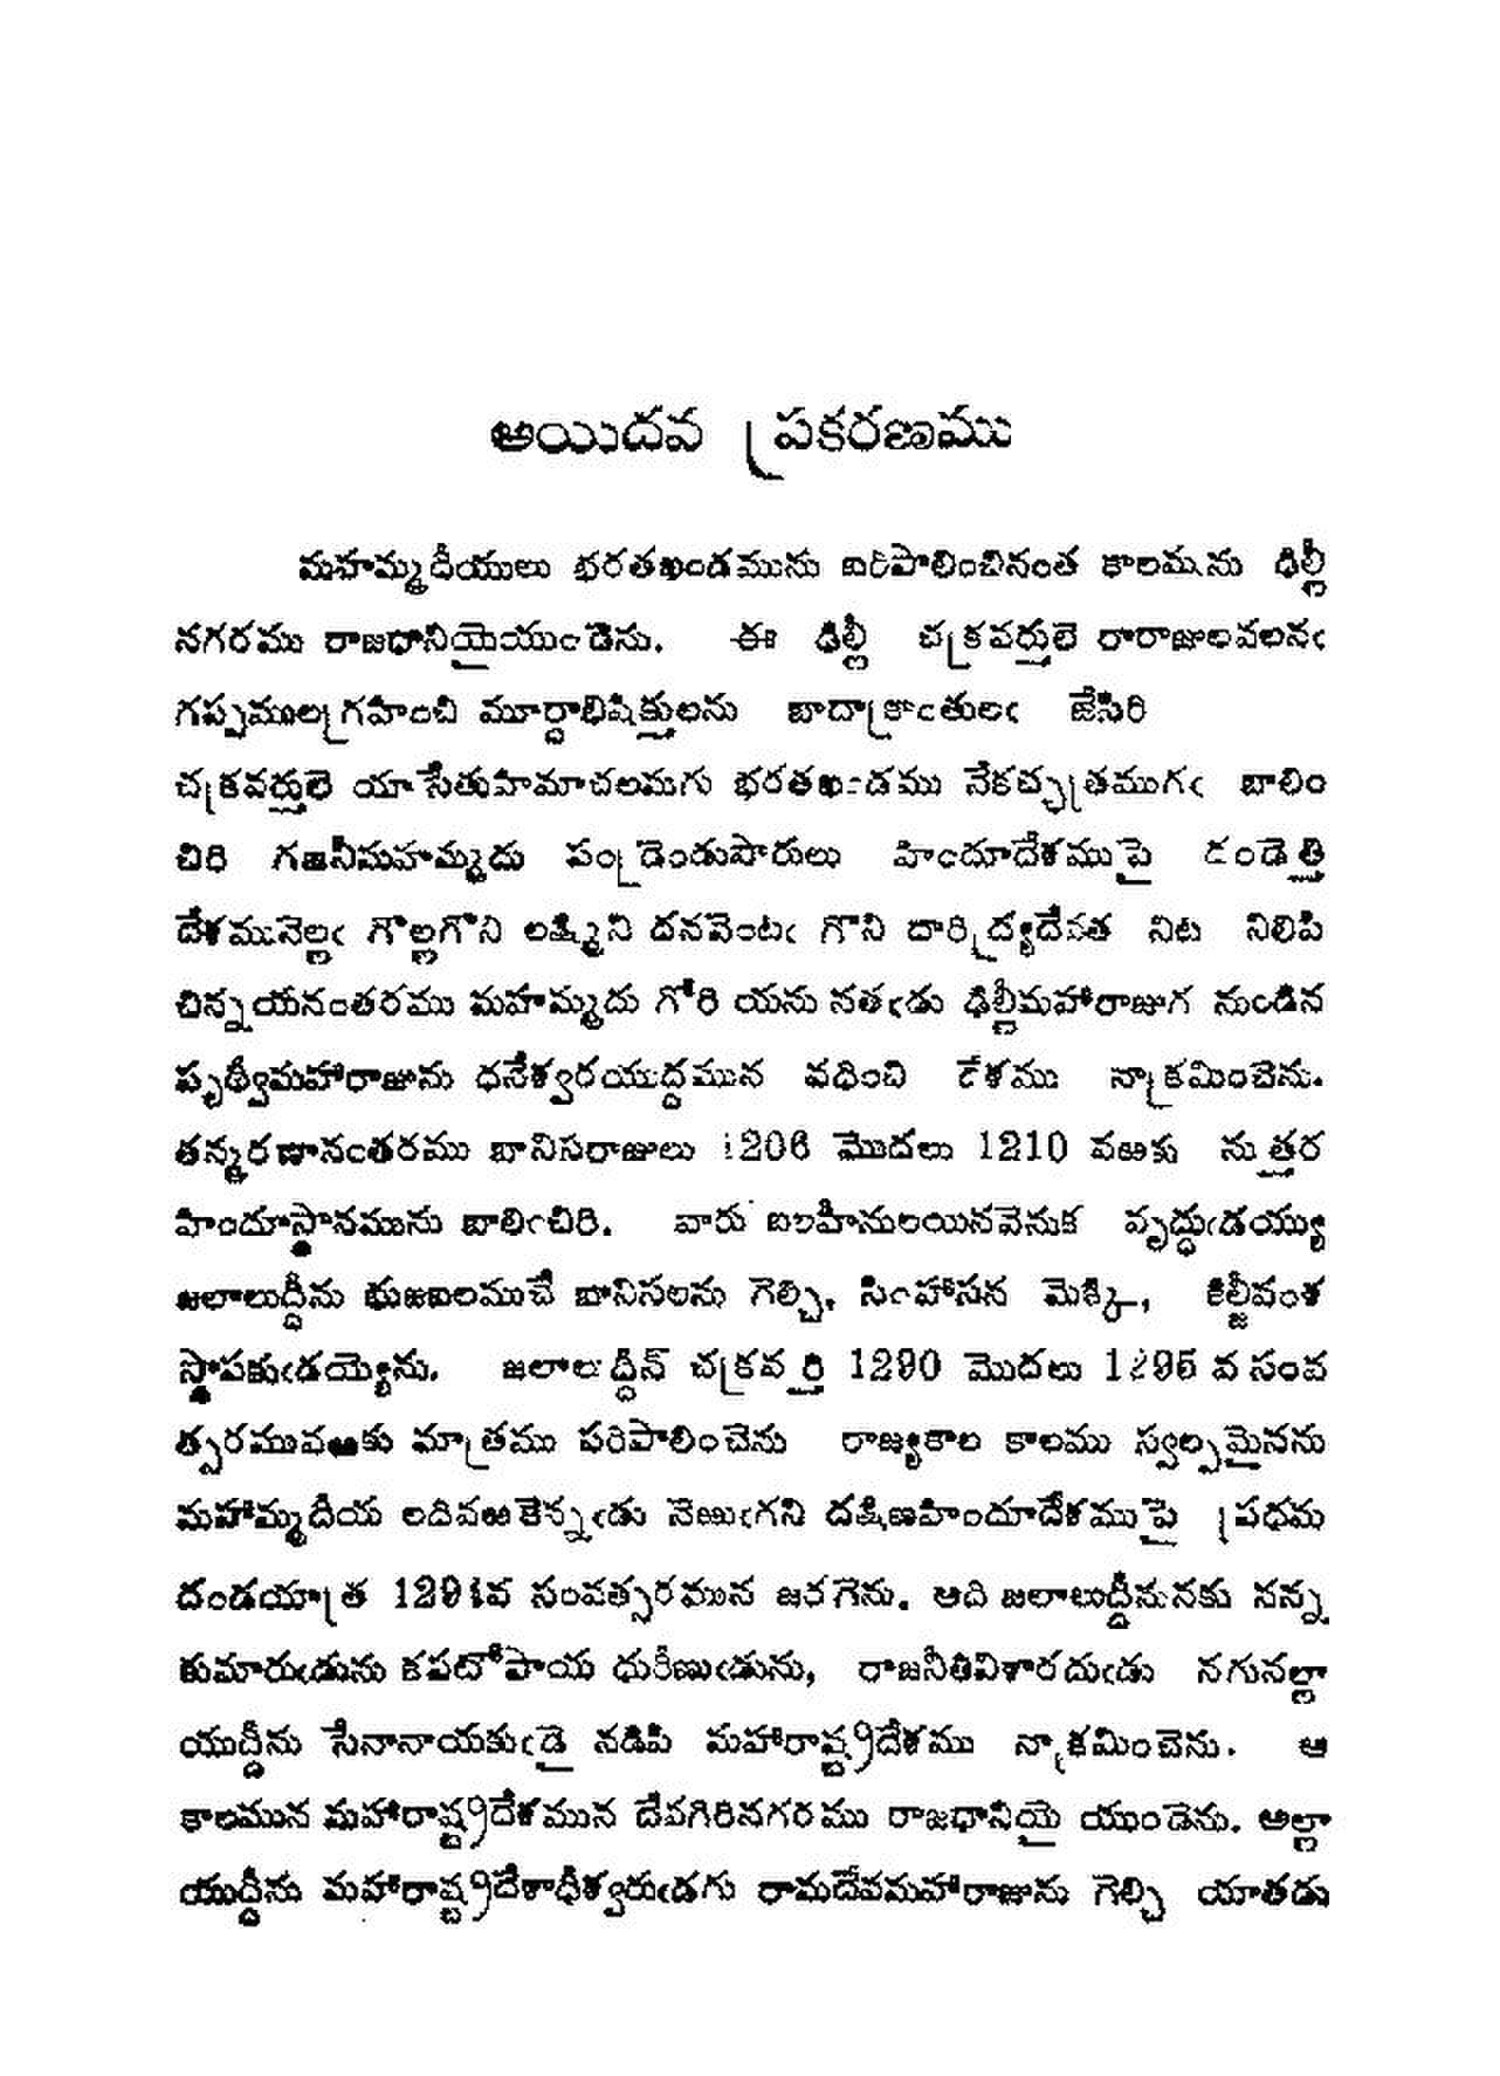మహమ్మదీయులు భరతఖండమును బరిపాలించినంత కాలమును ఢిల్లీ నగరము రాజధానియైయుండెను. ఈ ఢిల్లీ చక్రవర్తులె రారాజులవలనఁ గప్పములు గ్రహించి మూర్దాభిషిక్తులను బాదాక్రాంతులఁ జేసిరి. చక్రవర్తులె యాసేతుహిమాచలమగు భరతఖండము నేకచ్ఛత్రముగఁ బాలించిరి గజనీ మహమ్మదు పండ్రెండు సారులు హిందూదేశముపై దండెత్తి దేశమునెల్లఁ గొల్లగొని లక్ష్మిని దనవెంటఁ గొని దారిద్ర్యదేవత నిట నిలిపి చిన్నయనంతరము మహమ్మదు గోరి యను నతఁడు ఢిల్లీ మహారాజుగ నుండిన పృథ్వీమహారాజును ధనేశ్వర యుద్ధమున వధించి దేశము నాక్రమించెను. తన్మరణానంతరము బానిసరాజులు 1206 మొదలు 1210 వఱకు నుత్తర హిందూస్థానమును బాలించిరి. వారు బలహీనులయినవెనుక వృద్ధుఁడయ్యు జలాలుద్దీను భుజబలముచే బానిసలను గెల్చి, సింహాసన మెక్కి, కిల్జీవంశ స్థాపకుఁడయ్యెను. జలాలుద్దీన్ చక్రవర్తి 1290 మొదలు 1295 వ సంవత్సరమువఱకు మాత్రము పరిపాలించెను. రాజ్యకాల కాలము స్వల్పమైనను మహమ్మదీయ లదివఱకెన్నఁడు నెఱుఁగని దక్షిణహిందూదేశము పై ప్రథమ దండయాత్ర 1294వ సంవత్సరమున జరగెను. అది జలాలుద్దీనునకు నన్న కుమారుఁడును కపటోపాయ ధురీణుఁడును, రాజనీతివిశారదుఁడు నగు నల్లాయుద్దీను సేనానాయకుఁడై నడిపి మహారాష్ట్రదేశము నాక్రమించెను. ఆ కాలమున మహారాష్ట్రదేశమున దేవగిరినగరము రాజధానియై యుండెను. అల్లాయుద్దీను మహారాష్ట్ర దేశాధీశ్వరుఁడగు రామదేవమహారాజును గెల్చి యాతడు